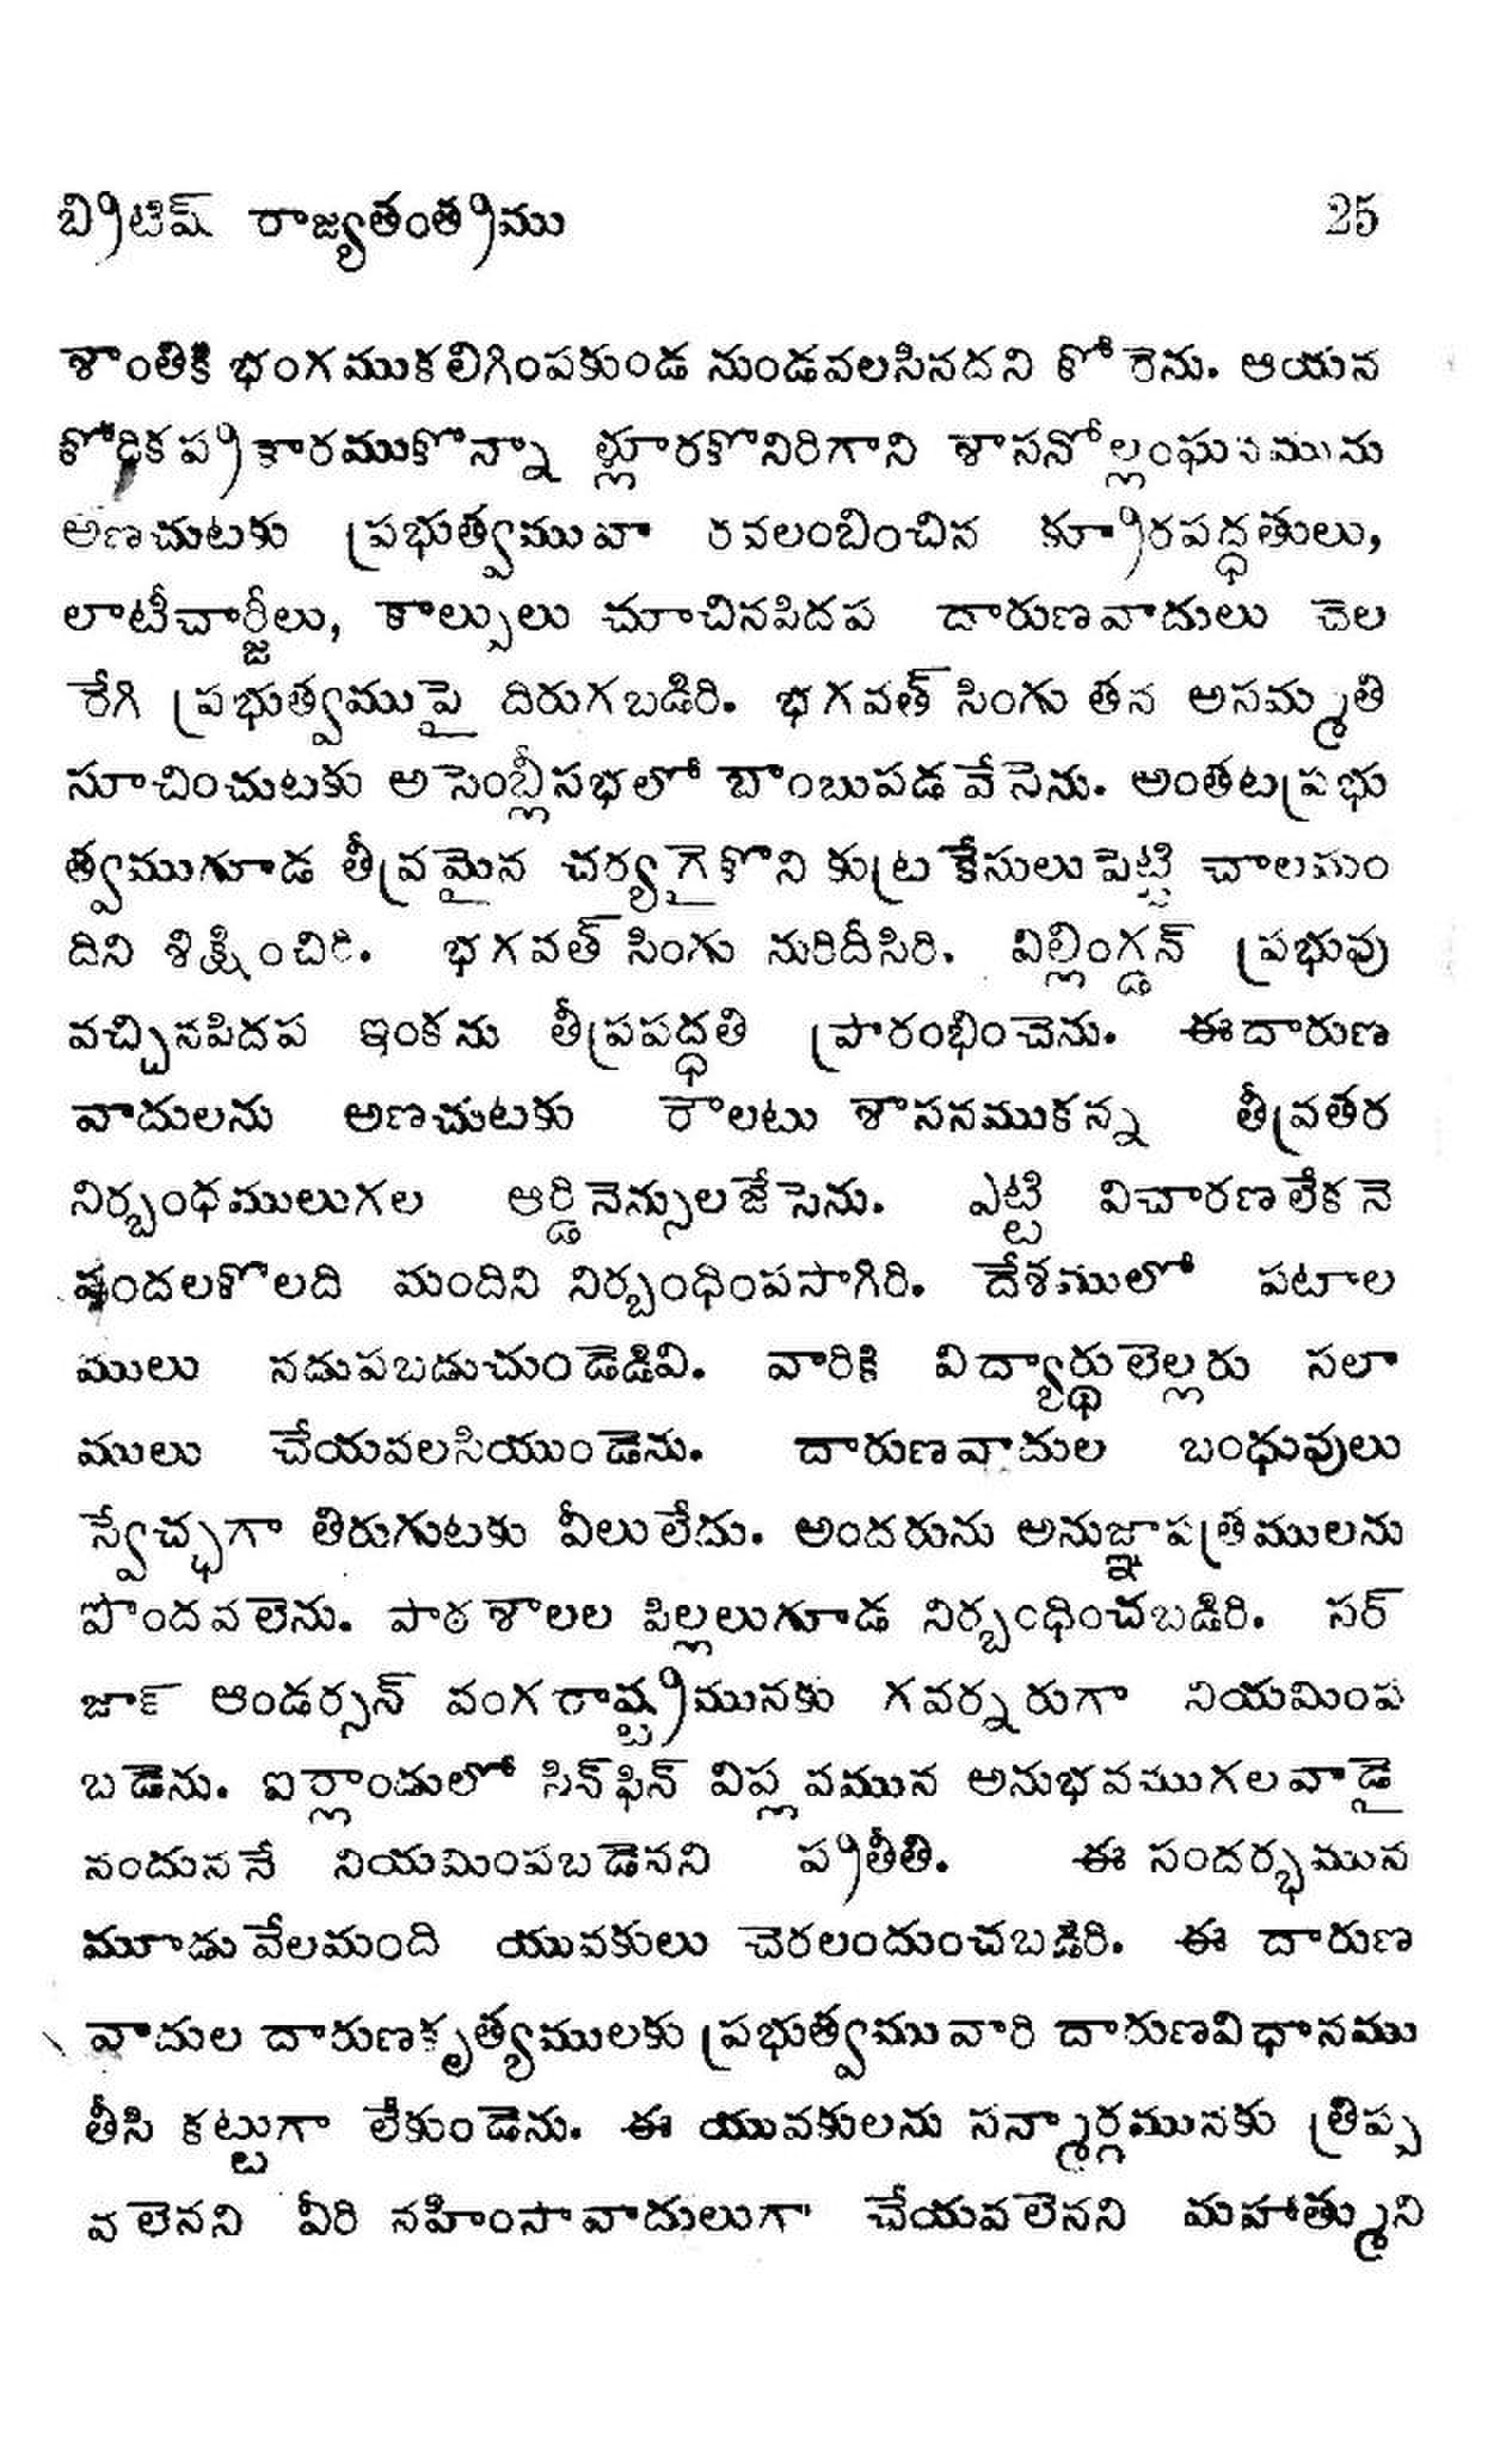శాంతికి భంగముకలిగింపకుండ నుండవలసినదని కోరెను. ఆయన కోరికప్రకారముకొన్నా ళ్లూరకొనిరిగాని శాసనోల్లంఘనమును అణచుటకు ప్రభుత్వమువా రవలంబించిన క్రూరపద్ధతులు, లాటీచార్జీలు, కాల్పులు చూచినపిదప దారుణవాదులు చెలరేగి ప్రభుత్వముపై దిరుగబడిరి. భగవత్‌సింగు తన అసమ్మతి సూచించుటకు అసెంబ్లీసభలో బాంబుపడవేసెను. అంతటప్రభుత్వముగూడ తీవ్రమైన చర్యగైకొని కుట్రకేసులుపెట్టి చాలమందిని శిక్షించిరి. భగవత్‌సింగు నురిదీసిరి, విల్లింగ్డన్ ప్రభువు వచ్చినపిదప ఇంకను తీప్రపద్ధతి ప్రారంభించెను. ఈ దారుణవాదులను అణచుటకు రౌలటు శాసనముకన్న తీవ్రతరనిర్బంధములుగల ఆర్డినెన్సులజేసెను. ఎట్టి విచారణలేకనె వందలకొలది మందిని నిర్బంధింపసాగిరి. దేశములో పటాలములు నడుపబడుచుండెడివి. వారికి విద్యార్థులెల్లరు సలాములు చేయవలసియుండెను. దారుణవాదుల బంధువులు స్వేచ్చగా తిరుగుటకు వీలులేదు. అందరును అనుజ్ఞాపత్రములను పొందవలెను. పాఠశాలల పిల్లలుగూడ నిర్బంధించబడిరి. సర్ జా౯ ఆండర్సన్ వంగరాష్ట్రమునకు గవర్నరుగా నియమింప బడెను. ఐర్లాండులో సిన్ ఫిన్ విప్లవమున అనుభవముగలవాడై నందుననే నియమింపబడెనని ప్రతీతి. ఈసందర్భమున మూడువేలమంది యువకులు చెరలందుంచబడిరి. ఈ దారుణవాదుల దారుణకృత్యములకు ప్రభుత్వమువారి దారుణవిధానము తీసి కట్టుగా లేకుండెను. ఈ యువకులను సన్మార్గమునకు త్రిప్పవలెనని వీరి నహింసావాదులుగా చేయవలెనని మహాత్ముని